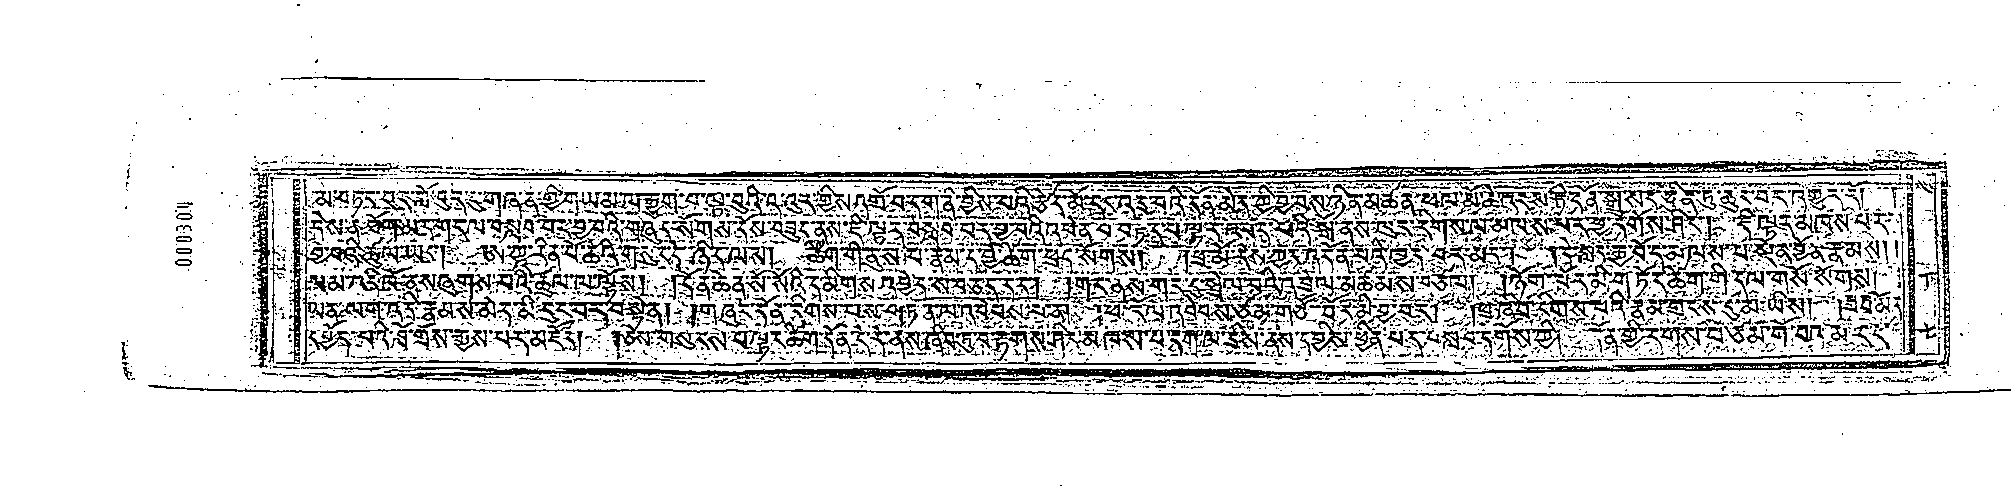མ་བཏང་བར་གློ་བུར་དུ་གཞན་གྱི་གཡམ་ལ་རྒྱུག་པ་ལྟ་བུའི་འ་འུར་གྱིས་འགྲོ་བ་དག་ནི་བྱིས་པའི་རྩེད་མོ་དང་འདྲ་བའི་དོན་མེད་ཀྱི་བྱ་བས་ཉིན་མཚན་ཕལ་མོ་ཆེ་འངས་ཏེ་དོན་སྒྲུ་སང་ཅུ་ནི་ཏུ་ཆུང་བར་འགྱུར་རོ། །
དེས་ན་ཐོག་མར་གང་ལ་བསླབ་པར་བྱ་བའི་གཞུང་སོགས་དོས་བཟུང་ནས་ཇི་ལྟར་བསླབ་པར་བྱ་བའི་འཕེན་པ་བརྟད་པ་ལྟར་འཕད་པའི་སྒོ་ནས་ལུང་རིགས་ལ་མཁས་པར་ཕྱ་དགོས་ཤིང་། ཇི་ལྟར་མཁས་པར་
བྱ་བའི་ཚུལ་ཡང་། ཨ་ཀྱཱ་རིན་པོ་ཆེའི་གསུང་དེ་ཉིད་ལས། ཚིག་གི་ནུས་པ་རྣམ་དབྱེ་ཚིག་ཕྲད་སོགས། །ཕྲ་མོ་རེས་ཀྱང་འདོན་པའི་ཁྱད་བར་མང་། །དེ་སླད་རྒྱ་བོད་མཁས་པ་སྔོན་བྱོན་རྣམས། །
ལམ་འདི་ཁོ་ནས་ཞུགས་པའི་ཚུལ་ལ་ལྟོས། །དོན་ཆེན་སོ་སོའི་དམིགས་འབྱེད་ས་བཅད་དང་། །གང་ནས་གང་དུ་སྦྲེལ་བའི་འབྲེལ་མཚམས་བཙལ། །ཉོག་པོར་མི་གཏོང་ཚིག་གི་ངལ་གསོ་སོགས། །
ཡན་ལག་འདི་རྣམས་མེད་མི་དུང་བར་བསྟེན། །གཞུང་དོན་རིགས་པས་གཏན་ལ་འབེབས་པ་ན། །ཕ་རོལ་འབེབས་ཙམ་གཙོ་བོར་མི་བྱ་བར། །ཕྲ་ཞིབ་རིགས་པའི་རྣམ་གྲངས་དུ་མ་ཡིས། །ཟབ་མོར་
དཔྱོད་པའི་བློ་གྲོས་རྒྱས་པར་མཛོད། །ཅེས་གསུངས་པ་ལྟར་ཚིག་དོན་རེ་རེ་ནས་ཞིབ་ཏུ་བརྟགས་ཤིང་མཁས་པ་དག་ལ་དྲིས་ནས་དབྱིས་ཕྱིན་པར་བསླབ་དགོས་ཀྱི། དོན་གྱི་དགས་པ་ཙམ་གོ་བའམ་རང་